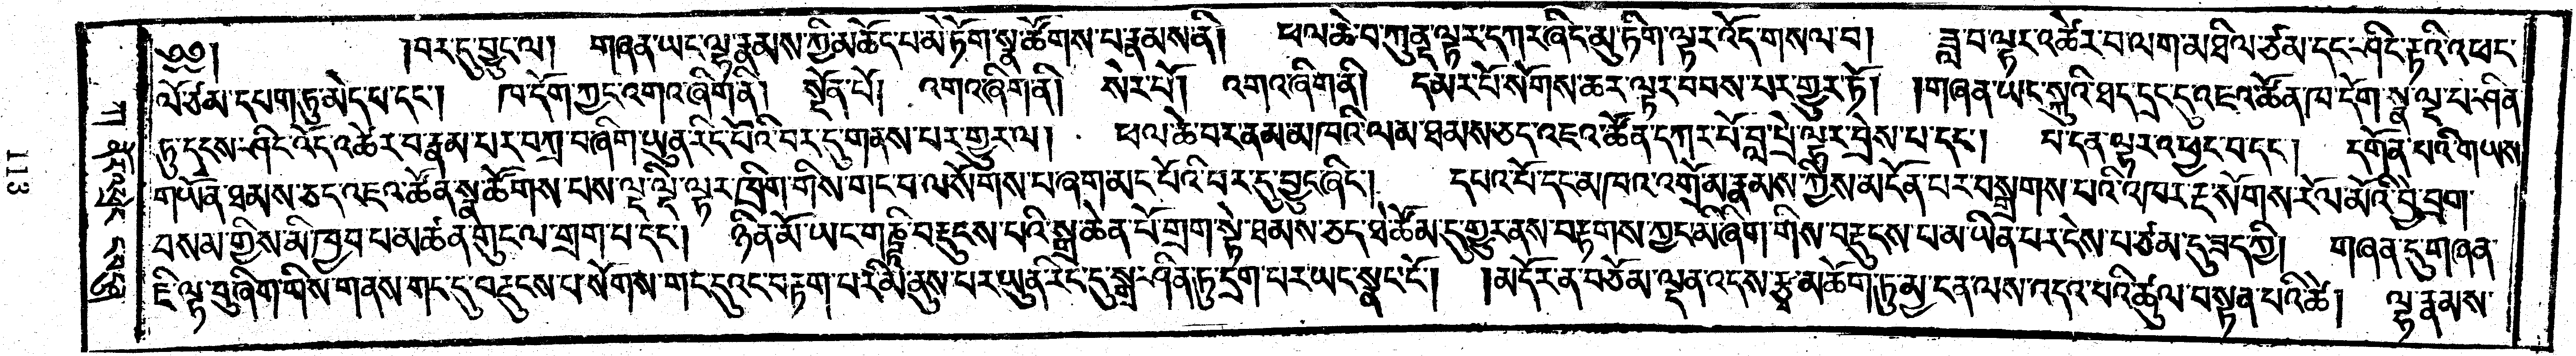༄༅། །བར་དུ་བྱུང་ལ། གཞན་ཡང་ལྷ་རྣམས་ཀྱི་མཆོད་པ་མེ་ཏོག་སྣ་ཚོགས་པ་རྣམས་ནི། ཕལ་ཆེ་བ་ཀུནྡ་ལྟར་དཀར་ཞིང་མུ་ཏིག་ལྟར་འོད་གསལ་བ། ཟླ་བ་ལྟར་འཚེར་བ་ལག་མཐིལ་ཙམ་དང་ཤིང་རྟའི་འཕང་
ལོ་ཙམ་དཔག་ཏུ་མེད་པ་དང་། ཁ་དོག་ཀྱང་འགའ་ཞིག་ནི། སྔོན་པོ། འགའ་ཞིག་ནི། སེར་པོ། འགའ་ཞིག་ནི། དམར་པོ་སོགས་ཆར་ལྟར་བབས་པར་གྱུར་ཏོ། །གཞན་ཡང་སྐུའི་ཐད་དྲང་དུ་འཇའ་ཚོན་ཁ་དོག་སྣ་ལྔ་པ་ཤིན་
ཏུ་དྭངས་ཤིང་འོད་འཚེར་བ་རྣམ་པར་བཀྲ་བ་ཞིག་ཡུན་རིང་པོའི་བར་དུ་གནས་པར་གྱུར་ལ། ཕལ་ཆེ་བར་ནམ་མཁའི་ལམ་ཐམས་ཅད་འཇའ་ཚོན་དཀར་པོ་བླ་བྲེ་ལྟར་བྲེས་པ་དང་། པ་དན་ལྟར་འཕྱང་བ་དང་། དགོན་པའི་གཡས་
གཡོན་ཐམས་ཅད་འཇའ་ཚོན་སྣ་ཚོགས་པས་ལྔ་ལྡི་ལྟར་ཁྲིག་གིས་གང་བ་ལ་སོགས་པ་ཞག་མང་པོའི་བར་དུ་བྱུང་ཞིང་། དཔའ་པོ་དང་མཁའ་འགྲོ་མ་རྣམས་ཀྱིས་མངོན་པར་བསྒྲགས་པའི་འཁོར་རྔ་སོགས་རོལ་མོའི་བྱེ་བྲག་
བསམ་གྱིས་མི་ཁྱབ་པ་མཚན་གུང་ལ་གྲག་པ་དང་། ཉིན་མོ་ཡང་གཎྜཱི་བརྡུངས་པའི་སྒྲ་ཆེན་པོ་གྲག་སྟེ་ཐམས་ཅད་ཐེ་ཚོམ་དུ་གྱུར་ནས་བརྟགས་ཀྱང་མི་ཞིག་གིས་བརྡུངས་པ་མ་ཡིན་པར་ངེས་པ་ཙམ་དུ་ཟད་ཀྱི། གཞན་དུ་གཞན་
ཇི་ལྟ་བུ་ཞིག་གིས་གནས་གང་དུ་བརྡུངས་པ་སོགས་གང་དུའང་བརྟག་པར་མི་ནུས་པར་ཡུན་རིང་དུ་སྒྲ་ཤིན་ཏུ་དྲག་པར་ཡང་སྣང་ངོ། །མདོར་ན་བཅོམ་ལྡན་འདས་རྩྭ་མཆོག་ཏུ་མྱ་ངན་ལས་འདའ་པའི་ཚུལ་བསྟན་པའི་ཚེ། ལྷ་རྣམས་